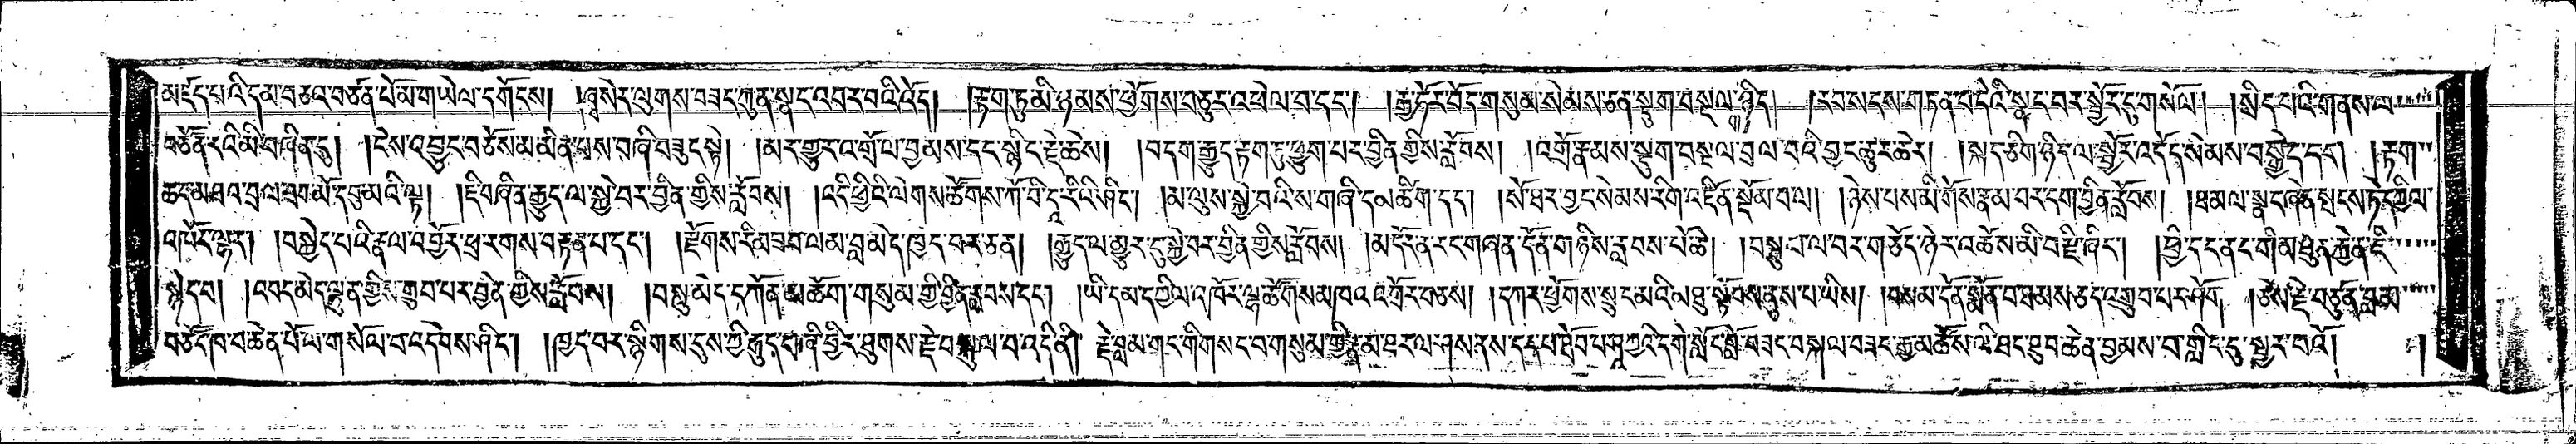མཛད་པའི་དམ་བཅའ་བཙན་པོ་མ་གཡེལ་དགོངས། །ཞྭ་སེར་ལུགས་བཟང་ཀུན་སྣང་འབར་བའི་འོད། །རྟག་ཏུ་མི་ཉམས་ཕྱོགས་བཅུར་འཕེལ་བ་དང་། །རྒྱ་ཏོར་བོད་གསུམ་སེམས་ཅན་སྡུག་བསྔལ་གཉིད། །རབ་སངས་གཏན་བདེའི་སྣང་བར་སྦྱོར་དུ་གསོལ། །སྲིད་པའི་གནས་ལ་
བཙོན་རའི་མི་བཞིན་དུ། །ངེས་འབྱུང་བཅོས་མ་མིན་པས་བཞི་བཟུང་སྟེ། །མར་གྱུར་འགྲོ་ལ་བྱམས་དང་སྙིང་རྗེ་ཆེས། །བདག་རྒྱུད་རྟག་ཏུ་ཕྱུག་པར་བྱིན་གྱིས་རློབས། །འགྲོ་རྣམས་སྡུག་བསྔལ་བྲལ་བའི་བྱང་ཆུར་ཆེར། །སྐད་ཅིག་ཉིད་ལ་སྦྱོར་འདོད་སེམས་བསྐྱེད་དང་། །རྟག་
ཆད་མཐའ་བྲལ་ཟབ་མོ་དབུ་མའི་ལྟ། །ཇི་བཞིན་རྒྱུད་ལ་སྐྱེ་བར་བྱིན་གྱིས་རློབས། །འདི་ཕྱིའི་ལེགས་ཚོགས་ཀོ་བི་དཱ་རིའི་ཤིང་། །མ་ལུས་སྐྱེ་བའི་ས་གཞི་དམ་ཚིག་དང་། །སོ་ཐར་བྱང་སེམས་རིག་འཛིན་སྡོམ་པ་ལ། །ཉེས་པས་མི་གོས་རྣམ་པར་དག་བྱིན་རློབས། །ཐ་མལ་སྣང་ཞེན་སྤངས་ཏེ་དཀྱིལ་
འཁོར་ལྟར། །བསྐྱེད་པའི་རྣལ་འབྱོར་ཕྲ་རགས་བརྟན་པ་དང་། །རྫོགས་རིམ་ཟབ་ལམ་བླ་མེད་ཁྱད་པར་བར་ཅན། །རྒྱུད་ལ་མྱུར་དུ་སྐྱེ་བར་བྱིན་གྱིས་རློབས། །མདོར་ན་རང་གཞན་དོན་གཉིས་རླབས་པོ་ཆེ། །བསྒྲུབ་ལ་བར་བཅོད་ཉེར་འཚེས་མི་བརྫི་ཞིང་། །ཕྱི་དང་ནང་གི་མཐུན་རྐྱེན་ཇི་
སྙེད་པ། །འབད་མེད་ལྷུན་གྱི་གྲུབ་པར་བྱིན་གྱིས་རློབས། །བསླུ་མེད་དཀོན་མཆོག་གསུམ་གྱི་བྱིན་རླབས་དང་། །ཡེ་དམ་དཀྱིལ་འཁོར་ལྷ་ཚོགས་མཁའ་འགྲོར་བཅས། །དཀྲ་ཕྱོགས་སྲུང་མའི་མཐུ་སྟོབས་ནུས་པ་ཡིས། །བསམ་དོན་སྨོན་པ་ཐམས་ཅད་འགྲུབ་པར་ཤོག །ཅེས་རྗེ་བཙུན་བླ་མ་
བཙོང་ཁ་བ་ཆེན་པོ་ལ་གསོལ་བ་འདེབས་ཤིང་། །ཁྱད་པར་སྙིགས་དུས་ཀྱི་རྒྱུད་བཞི་ཕྱིར་ཐུགས་རྗེ་བསྐུལ་བ་འདི་ནི། རྗེ་བླ་མ་གང་གི་གསང་བ་གསུམ་གྱི་རྣམ་ཐར་ལ་ཤས་ནས་དད་པ་ཐོབ་པ་ཤཱཀྱའི་དགེ་སློང་བློ་བཟང་བསྐལ་བཟང་རྒྱ་མཚོས་ལི་ཐང་ཐུབ་ཆེན་བྱམས་བ་གླིང་དུ་སྦྱར་བའོ། །